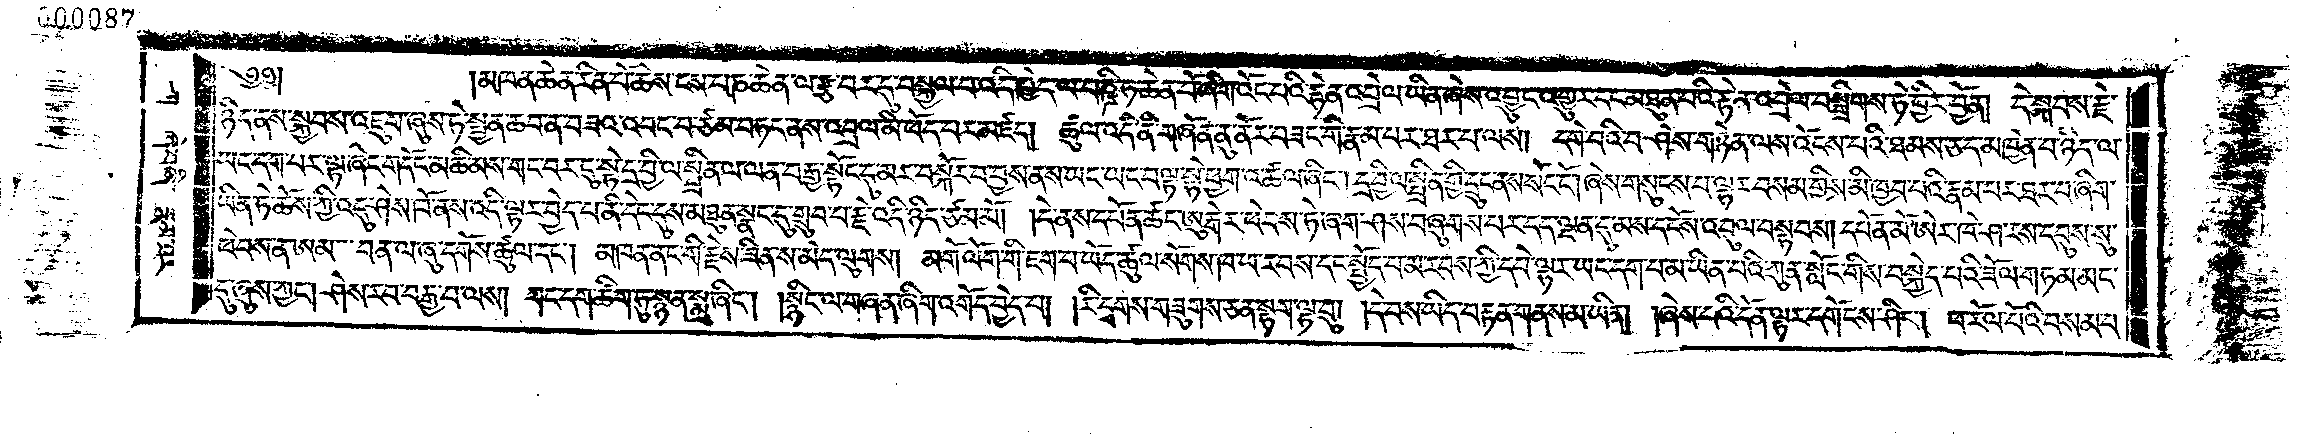༄༅། །མཁན་ཆེན་རིན་པོ་ཆེས་ངས་པཎ་ཆེན་ལ་རྩ་བར་དུ་བསྐྱལ་བ་འདི་ཁྱེད་ལ་པཎྜི་ཏ་ཆེན་པོ་ཞིག་འོང་པའི་རྟེན་འབྲེལ་ཡིན་ཞེས་འབྱུང་འགྱུར་དང་མཐུན་པའི་རྟེན་འབྲེལ་བསྒྲིགས་ཏེ་ཕྱིར་བྱོན། དེ་སྐབས་རྗེ་
ཉིད་ནས་སྐྱབས་འཇུག་ཞུས་ཏེ་སྤྱན་ཆབ་ན་བཟའ་འབང་བ་ཙམ་བཏང་ནས་འབྲལ་མི་ཕོད་པར་མཛད། ཚུལ་འདི་ནི་གཞོན་ནུ་ནོར་བཟང་གི་རྣམ་པར་ཐར་པ་ལས། དགེ་བའི་བཤེས་གཉེན་ལས་འོངས་པའི་ཐམས་ཅད་མཁྱེན་པ་ཉིད་ལ་
ཡང་དག་པར་ལྟ་ཞིང་གདོང་མཆི་མས་གང་བར་དུ་སྟེ་དྲ་བྱི་ལ་སྤྲིན་ལ་ལན་བརྒྱ་སྟོང་དུ་མར་བསྐོར་བ་བྱས་ནས་ཡང་ཡང་བལྟ་སྟེ་ཕྱག་འཚལ་ཞིང་། དྲ་བྱི་ལ་སྤྲིན་གྱི་དྲུང་ནས་སོང་ངོ། ཞེས་གསུངས་པ་ལྟར་བསམ་གྱིས་མི་ཁྱབ་པའི་རྣམ་པར་ཐར་པ་ཞིག་
ཡིན་ཏེ་ཆོས་ཀྱི་འདུ་ཤེས་ཁོ་ནས་འདི་ལྟར་བྱེད་པ་ནི་དེང་དུས་མཐུན་སྣང་དུ་གྲུབ་པ་རྗེ་འདི་ཉིད་ཙམ་མོ། །དེ་ནས་དཔོན་ཚང་ཨུརྒེར་ཕེབས་ཏེ་ཞག་ཤས་བཞུགས་པར་དད་ལྡན་དུ་མས་དངོས་འབུལ་བསྟབས། དཔོན་མོ་ཨེར་ཁེ་ཤ་རས་དབུས་སུ་
ཕེབས་ན་ཨམ་བན་ལ་ཞུ་དགོས་ཚུལ་དང་། མཁན་ནང་གི་རྗེས་ཟིན་ས་མེད་ལུགས། མགོ་ལོག་གི་ཇག་པ་ཡོད་ཚུལ་སོགས་ཁ་ཡ་རབས་དང་སྤྱོད་པ་མ་རབས་ཀྱི་དཔེ་ལྟར་ཡང་དག་པ་མ་ཡིན་པའི་ཀུན་སློང་གིས་བསྐྱེད་པའི་ཟོལ་གཏམ་མང་
དུ་ཞུས་ཀྱང་། ཤེས་རབ་བརྒྱ་བ་ལས། གང་དག་ཆིག་ཏུ་སྙན་སྨྲ་ཞིང་། །སྙིང་ལ་གཞན་ཞིག་འགོད་བྱེད་པ། །རི་དྭགས་གཟུགས་ཅན་སྟག་ལྟ་བུ། །དེ་བས་ཡིད་བརྟན་གནས་མ་ཡིན། །ཞེས་པའི་དོན་ལྟར་དགོངས་ཤིང་། ཕ་རོལ་པོའི་བསམ་པ་